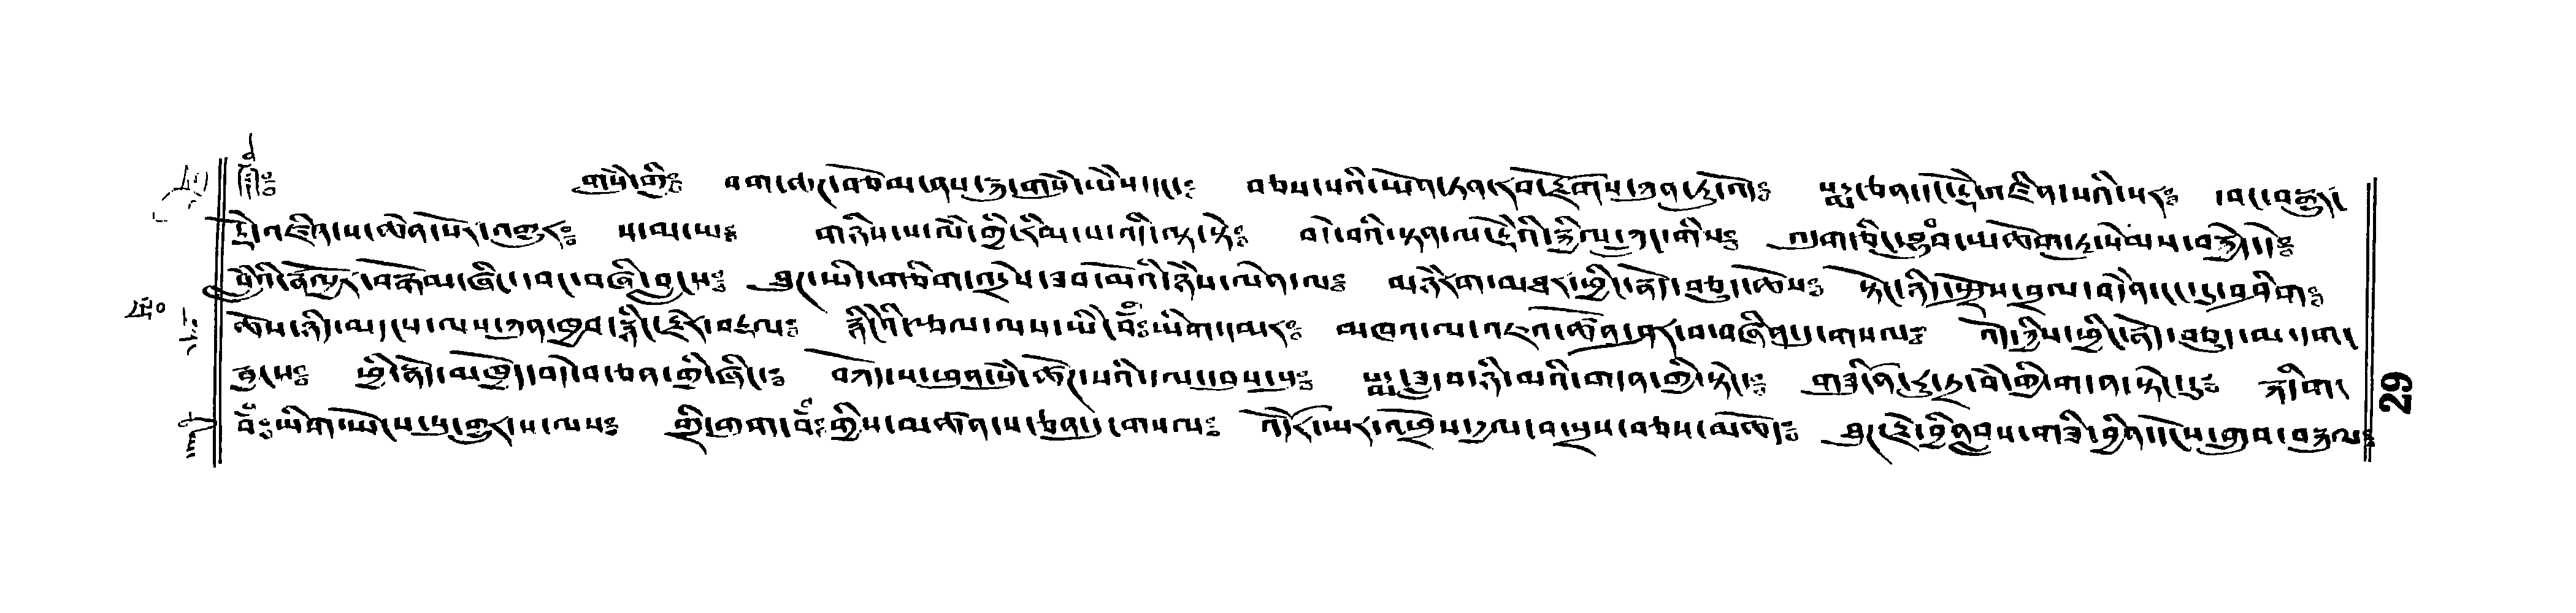གསུམ་གྱི༔ བག་ཆགས་བཅོམ་ནས་སྐུ་གསུམ་ཡེ་ཤེས་དང༔ བཅས་པའི་ཡོན་ཏན་རབ་རྫོགས་ཀུན་ཏུ་འོད༔ པདྨ་ཅན་དང་རྡོ་རྗེ་འཛིན་པའི་སར༔ དབང་བསྒྱུར་
རྡོ་རྗེ་འཛིན་པ་ཆེན་པོར་འགྱུར༔ ས་མ་ཡ༔ གཉིས་པ་ལམ་གྱི་རིམ་པ་འདི་ལྟ་སྟེ༔ བདེ་བའི་སྟན་ལ་རྡོ་རྗེའི་སྐྱིལ་ཀྲུང་གིས༔ འདུག་ཅིང་བྱང་ཆུབ་མཆོག་ཏུ་སེམས་བསྐྱེད་དེ༔ 
བླ་མའི་རྣལ་འབྱོར་བསྒོམ་ཞིང་དབང་བཞི་བླངས༔ ཐུགས་ཡིད་གཅིག་འདྲེས་ཟབ་མོའི་ཉམས་ལེན་ལ༔ མཉམ་པར་མཐར་བཞག་ཕྱི་ནང་སྣོད་བཅུད་ཆོས༔ སྟོང་ཉིད་སྤྲོས་བྲལ་བདེ་ཆེན་ངང་དུ་བཤིག༔ 
ཆོས་ཉིད་མདངས་ལས་ཀུན་ཁྱབ་སྙིང་རྗེར་བརྡལ༔ སྙིང་རྗེའི་རྩལ་ལས་ཡི་གེ་བྃཿཡིག་དམར༔ མཁའ་ལ་འཇའ་ཚོན་ཤར་བ་བཞིན་དུ་གསལ༔ འོད་ཀྱིས་ཕྱི་ནང་སྣོད་བཅུད་མ་དག་
སྦྱངས༔ ཕྱི་སྣོད་མཁའ་སྤྱཽད་བདེ་བ་ཅན་གྱི་ཞིང༔ བཀོད་པ་ཕུན་སུམ་ཚོགས་པའི་དལ་དབུས་སུ༔ པདྨ་ཟླ་བ་ཉི་མའི་གདན་གྱི་སྟེང༔ གཟུང་འཛིན་རུ་ཏྲ་བམ་གྱི་གདན་སྟེང་དུ༔ སྐད་ཅིག་
བྃཿཡིག་ཡོངས་སུ་གྱུར་པ་ལས༔ གྲི་གུག་བྃཿགྱིས་མཚན་པ་ཅན་དུ་གསལ༔ འོད་ཟེར་ཡར་འཕྲོས་རྒྱལ་བ་སྲས་བཅས་མཆོད༔ཐུགས་རྗེ་བྱིན་རླབས་གཟི་བྱིན་དངོས་གྲུབ་བསྐུལ་